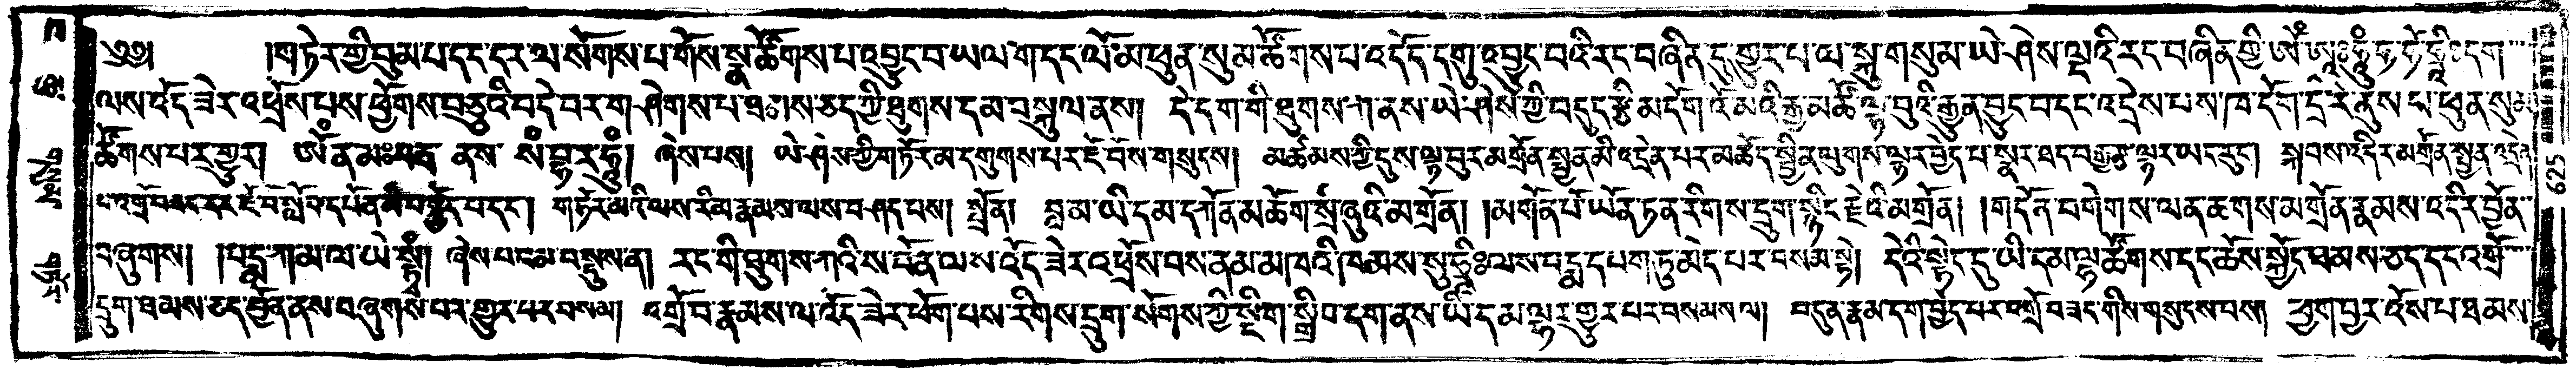༄༅། །གཏེར་གྱི་བུམ་པ་དང་དར་ལ་སོགས་པ་གོས་སྣ་ཚོགས་པ་འབྱུང་བ་ཡལ་ག་དང་ལོ་མ་ཕུན་སུམ་ཚོགས་པ་འདོད་དགུ་འབྱུང་བའི་རང་བཞིན་དུ་གྱུར་པ་ལ་སྐུ་གསུམ་ཡེ་ཤེས་ལྔའི་རང་བཞིན་གྱི་ཨོཾ་ཨཱཿ ཧཱུཾ་ཧ་ཧོ་ཧྲཱིཿ དག་
ལས་འོད་ཟེར་འཕྲོས་པས་ཕྱོགས་བཅུའི་བདེ་བར་གཤེགས་པ་ཐམས་ཅད་ཀྱི་ཐུགས་དམ་བསྐུལ་ནས། དེ་དག་གི་ཐུགས་ཀ་ནས་ཡེ་ཤེས་ཀྱི་བདུད་རྩི་མདོག་འོ་མའི་རྒྱ་མཚོ་ལྟ་བུའི་རྒྱུན་བྱུང་བ་དང་འདྲེས་པས་ཁ་དོག་དྲི་ར་ནུས་པ་ཕུན་སུམ་
ཚོགས་པར་གྱུར། ཨོཾ་ན་མཿ སརྦ་ནས་སཾ་བྷ་ར་ཧཱུཾ། ཞེས་པས། ཡེ་ཤེས་ཀྱི་གཏོར་མ་དགུགས་པར་ཇོ་བོས་གསུངས། མཚམས་ཀྱི་དུས་ལྟ་བུར་མགྲོན་སྤྱན་མི་འདྲེན་པར་མཆོད་སྦྱིན་ལུགས་ལྟར་བྱེད་པ་སྣར་ཐད་བརྒྱ་རྩ་ལྟར་ཡང་ཟུང་། སྐབས་འདིར་མགྲོན་སྤྱན་འདྲེན་
པ་འགྲོ་བཟང་དང་ངོ་བོ་སློབ་དཔོན་མི་བསྐྱེད་པ་དང་། གཏོར་མའི་ལས་རིམ་རྣམས་ལས་བཤད་པས། སྤྲོ་ན། བླ་མ་ཡི་དམ་དཀོན་མཆོག་སྲི་ཞུའི་མགྲོན། །མགོན་པོ་ཡོན་ཏན་རིགས་དྲུག་སྙིང་རྗེའི་མགྲོན། །གདོན་བགེགས་ལན་ཆགས་མགྲོན་རྣམས་འདིར་བྱོན་
བཞུགས། །པདམ་ཀ་མ་ལ་ཡེ་སྟྭཾ། ཞེས་པ་ངམ་བསྡུས་ན། རང་གི་ཐུགས་ཀའི་ས་བོན་ལས་འོད་ཟེར་འཕྲོས་བས་ནམ་མཁའི་ཁམས་སུ་ཧྲཱིཿ ལས་པདམ་དཔག་ཏུ་མེད་པར་བསམ་སྟེ། དེའི་སྟེང་དུ་ཡི་དམ་ལྷ་ཚོགས་དང་ཆོས་སྐྱོང་ཐམས་ཅད་དང་འགྲོ་
དྲུག་ཐམས་ཅད་བྱོན་ནས་བཞུགས་བར་གྱུར་པར་བསམ། འགྲོ་བ་རྣམས་ལ་འོད་ཟེར་ཕོག་པས་རིགས་དྲུག་སོགས་ཀྱི་སྡིག་སྒྲིབ་དག་ནས་ཡི་དམ་ལྷར་གྱུར་པར་བསམས་ལ། བདུན་རྣམ་དག་བྱེད་པར་འགྲོ་བཟང་གིས་གསུངས་པས། ཕྱག་བྱར་འོས་པ་ཐམས་